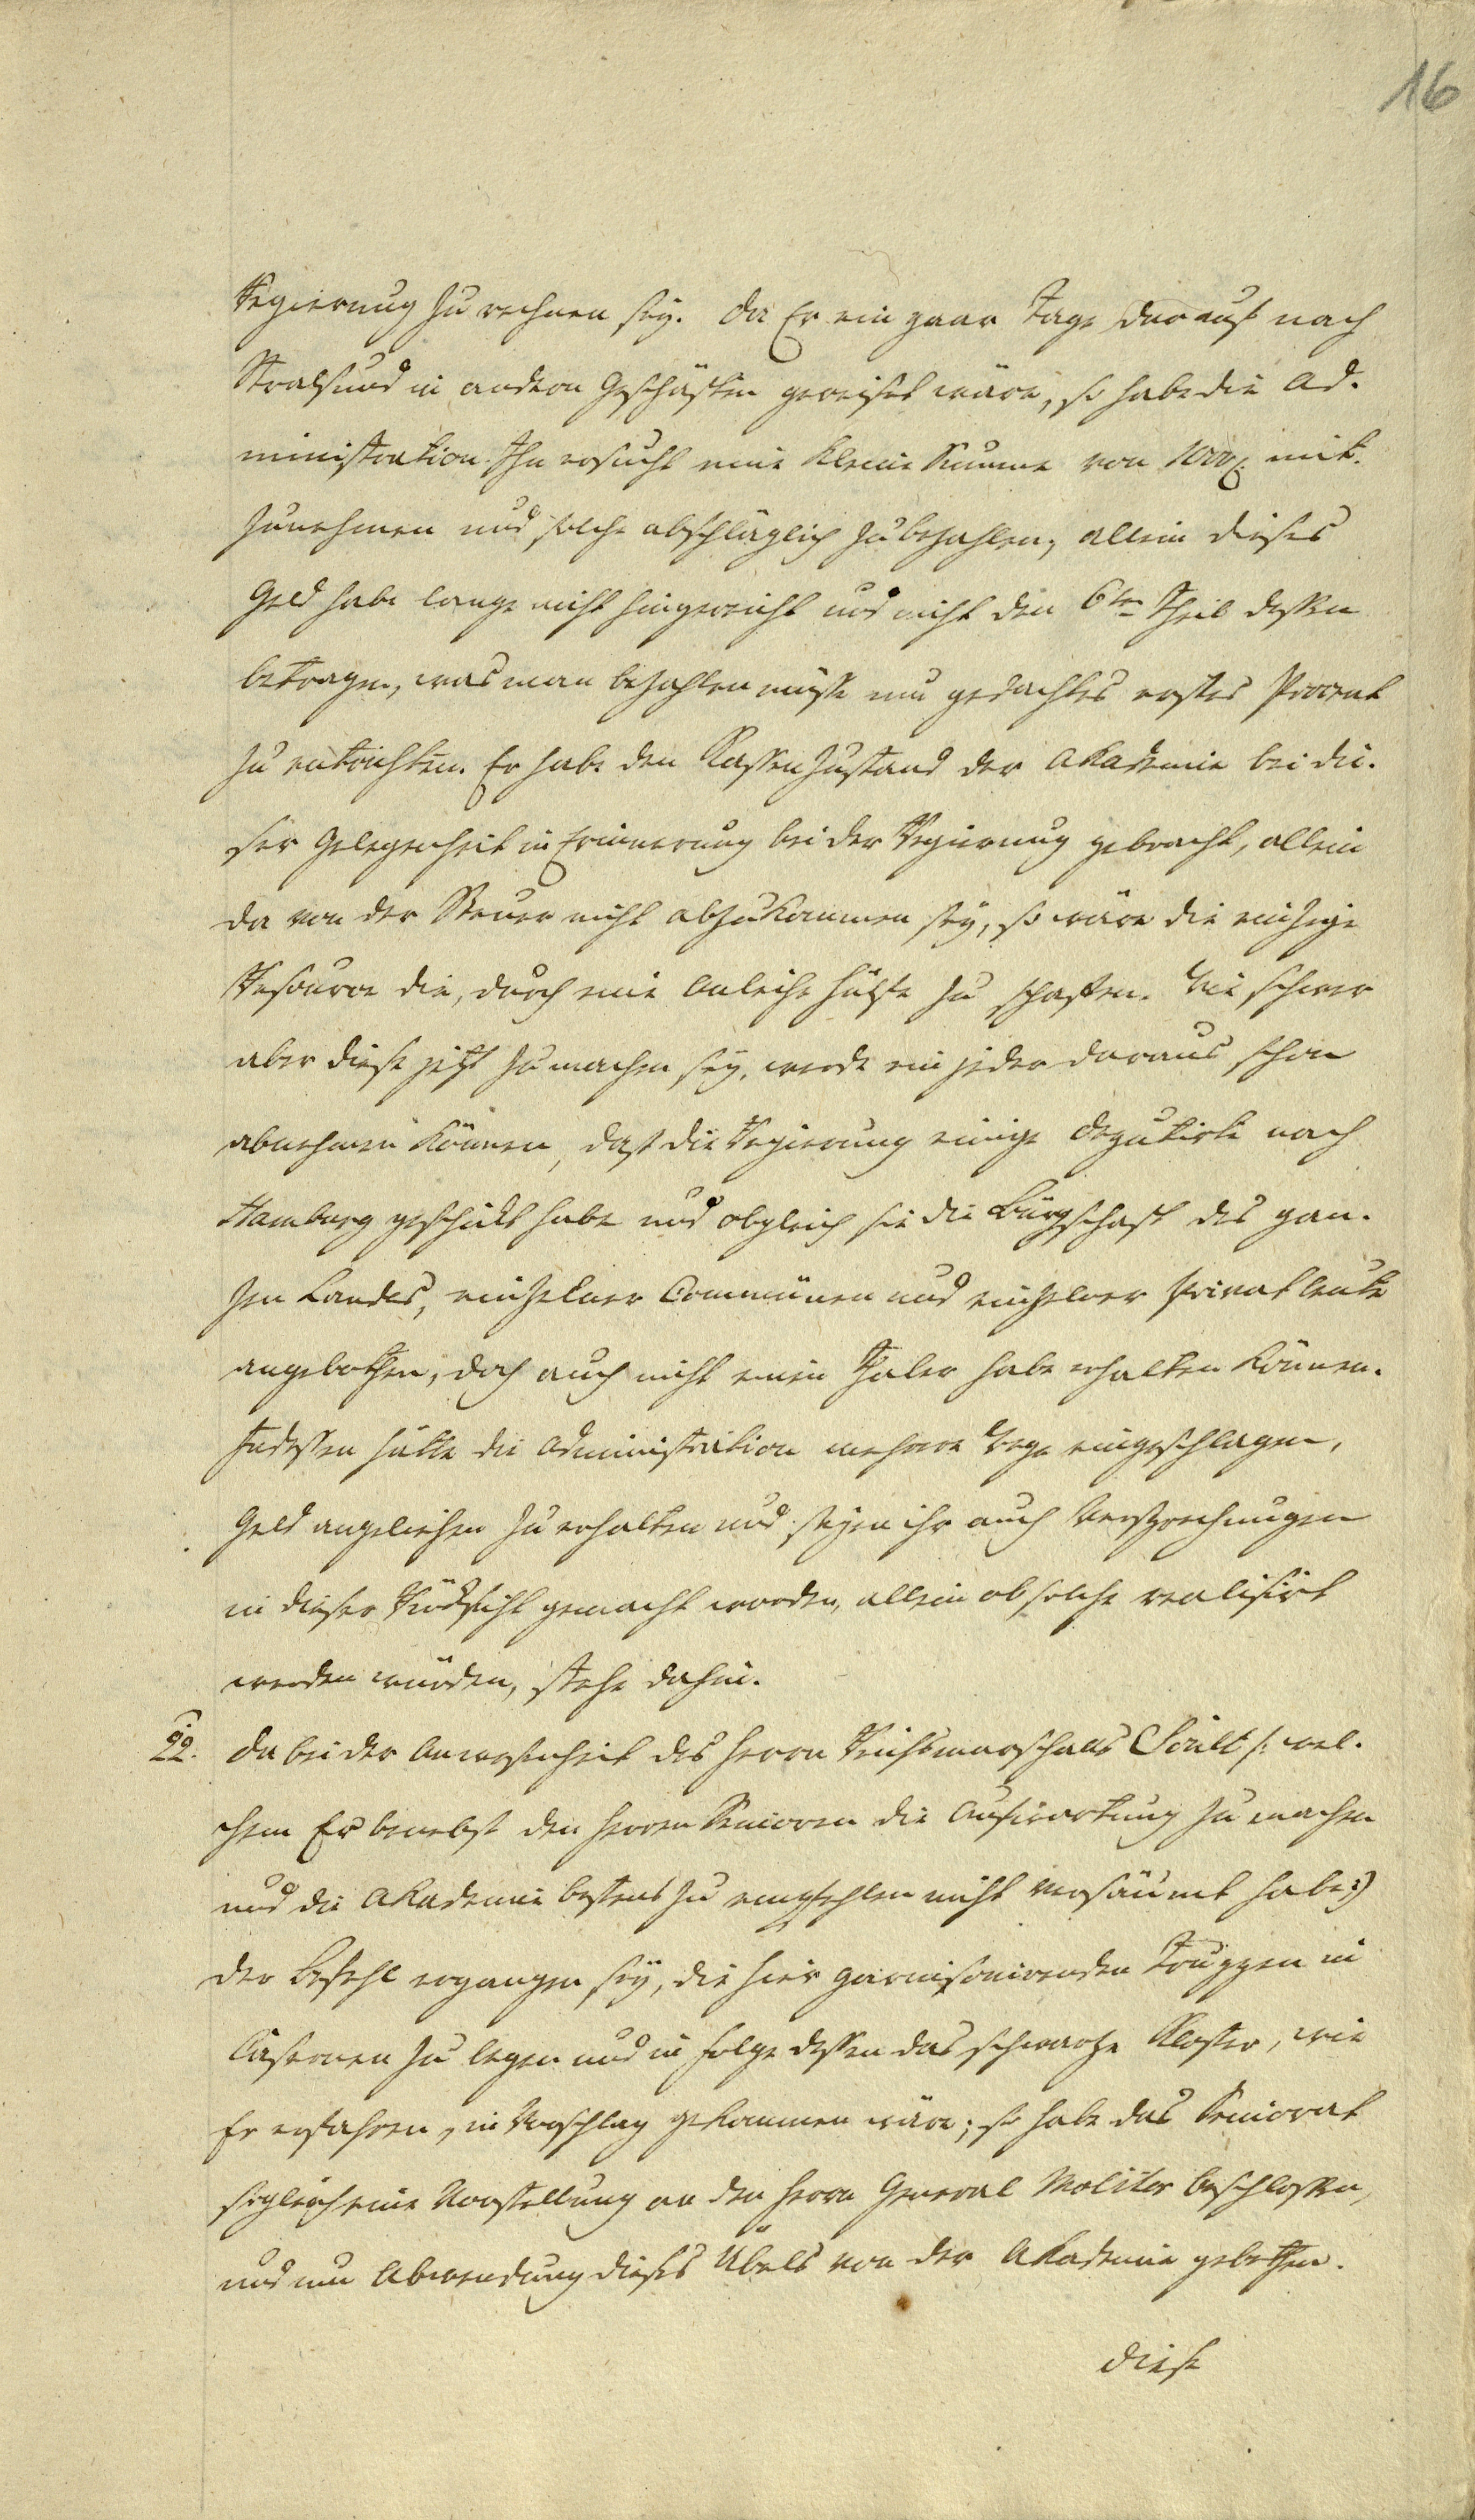Regierung zu rechnen seÿ. Da Er ein paar Tage darauf nach
Stralsund in andern Geschäften gereiset wäre, so habe die Ad¬
ministration Ihn ersucht eine kleine Summe von 1000 l. mit¬
zunehmen und solche abschläglich zu bezahlen; allein dieses
Geld habe lange nicht hingereicht und nicht den 6 ten. Theil dessen
betragen, was man bezahlen müsse um gedachtes erstes Procent
zu entrichten. Er habe den Kassenzustand der Akademie bei die¬
ser Gelegenheit in Erinnerung bei der Regierung gebracht, allein
da von der Steuer nicht abzukommen seÿ, so wäre die einzige
Resource die, durch eine Anleihe Hülfe zu schaffen. Wie schwer
aber diese jetzt zu machen seÿ, werde ein jeder daraus schon
abnehmen können, daß die Regierung einige Deputirte nach
Hamburg geschickt habe und obgleich sie die Bürgschaft des gan¬
zen Landes, einzelner Commünen und einzelner Privatleute
angebothen, doch auch nicht einen Thaler habe erhalten können.
Indessen hätte die Administration mehrere Wege eingeschlagen,
Geld angeliehen zu erhalten und seÿen ihr auch Versprechungen
in dieser Rücksicht gemacht worden, allein ob solche realisirt
werden würden, stehe dahin.
22. Da bei der Anwesenheit des Herrn Reichsmarschalls Soult /: wel¬
chem Er benebst den Herren Senioren die Aufwartung zu machen
und die Akademie bestens zu empfehlen nicht versäumt habe :/
der Befehl ergangen seÿ, die hier garnisonirenden Truppen in
Casernen zu legen und in Folge dessen das schwarze Kloster, wie
Er erfahren, in Vorschlag gekommen wäre; so habe das Seniorat
sogleich eine Vorstellung an den Herrn General Molitor beschlossen,
und um Abwendung dieses Übels von der Akademie gebethen.
Diese